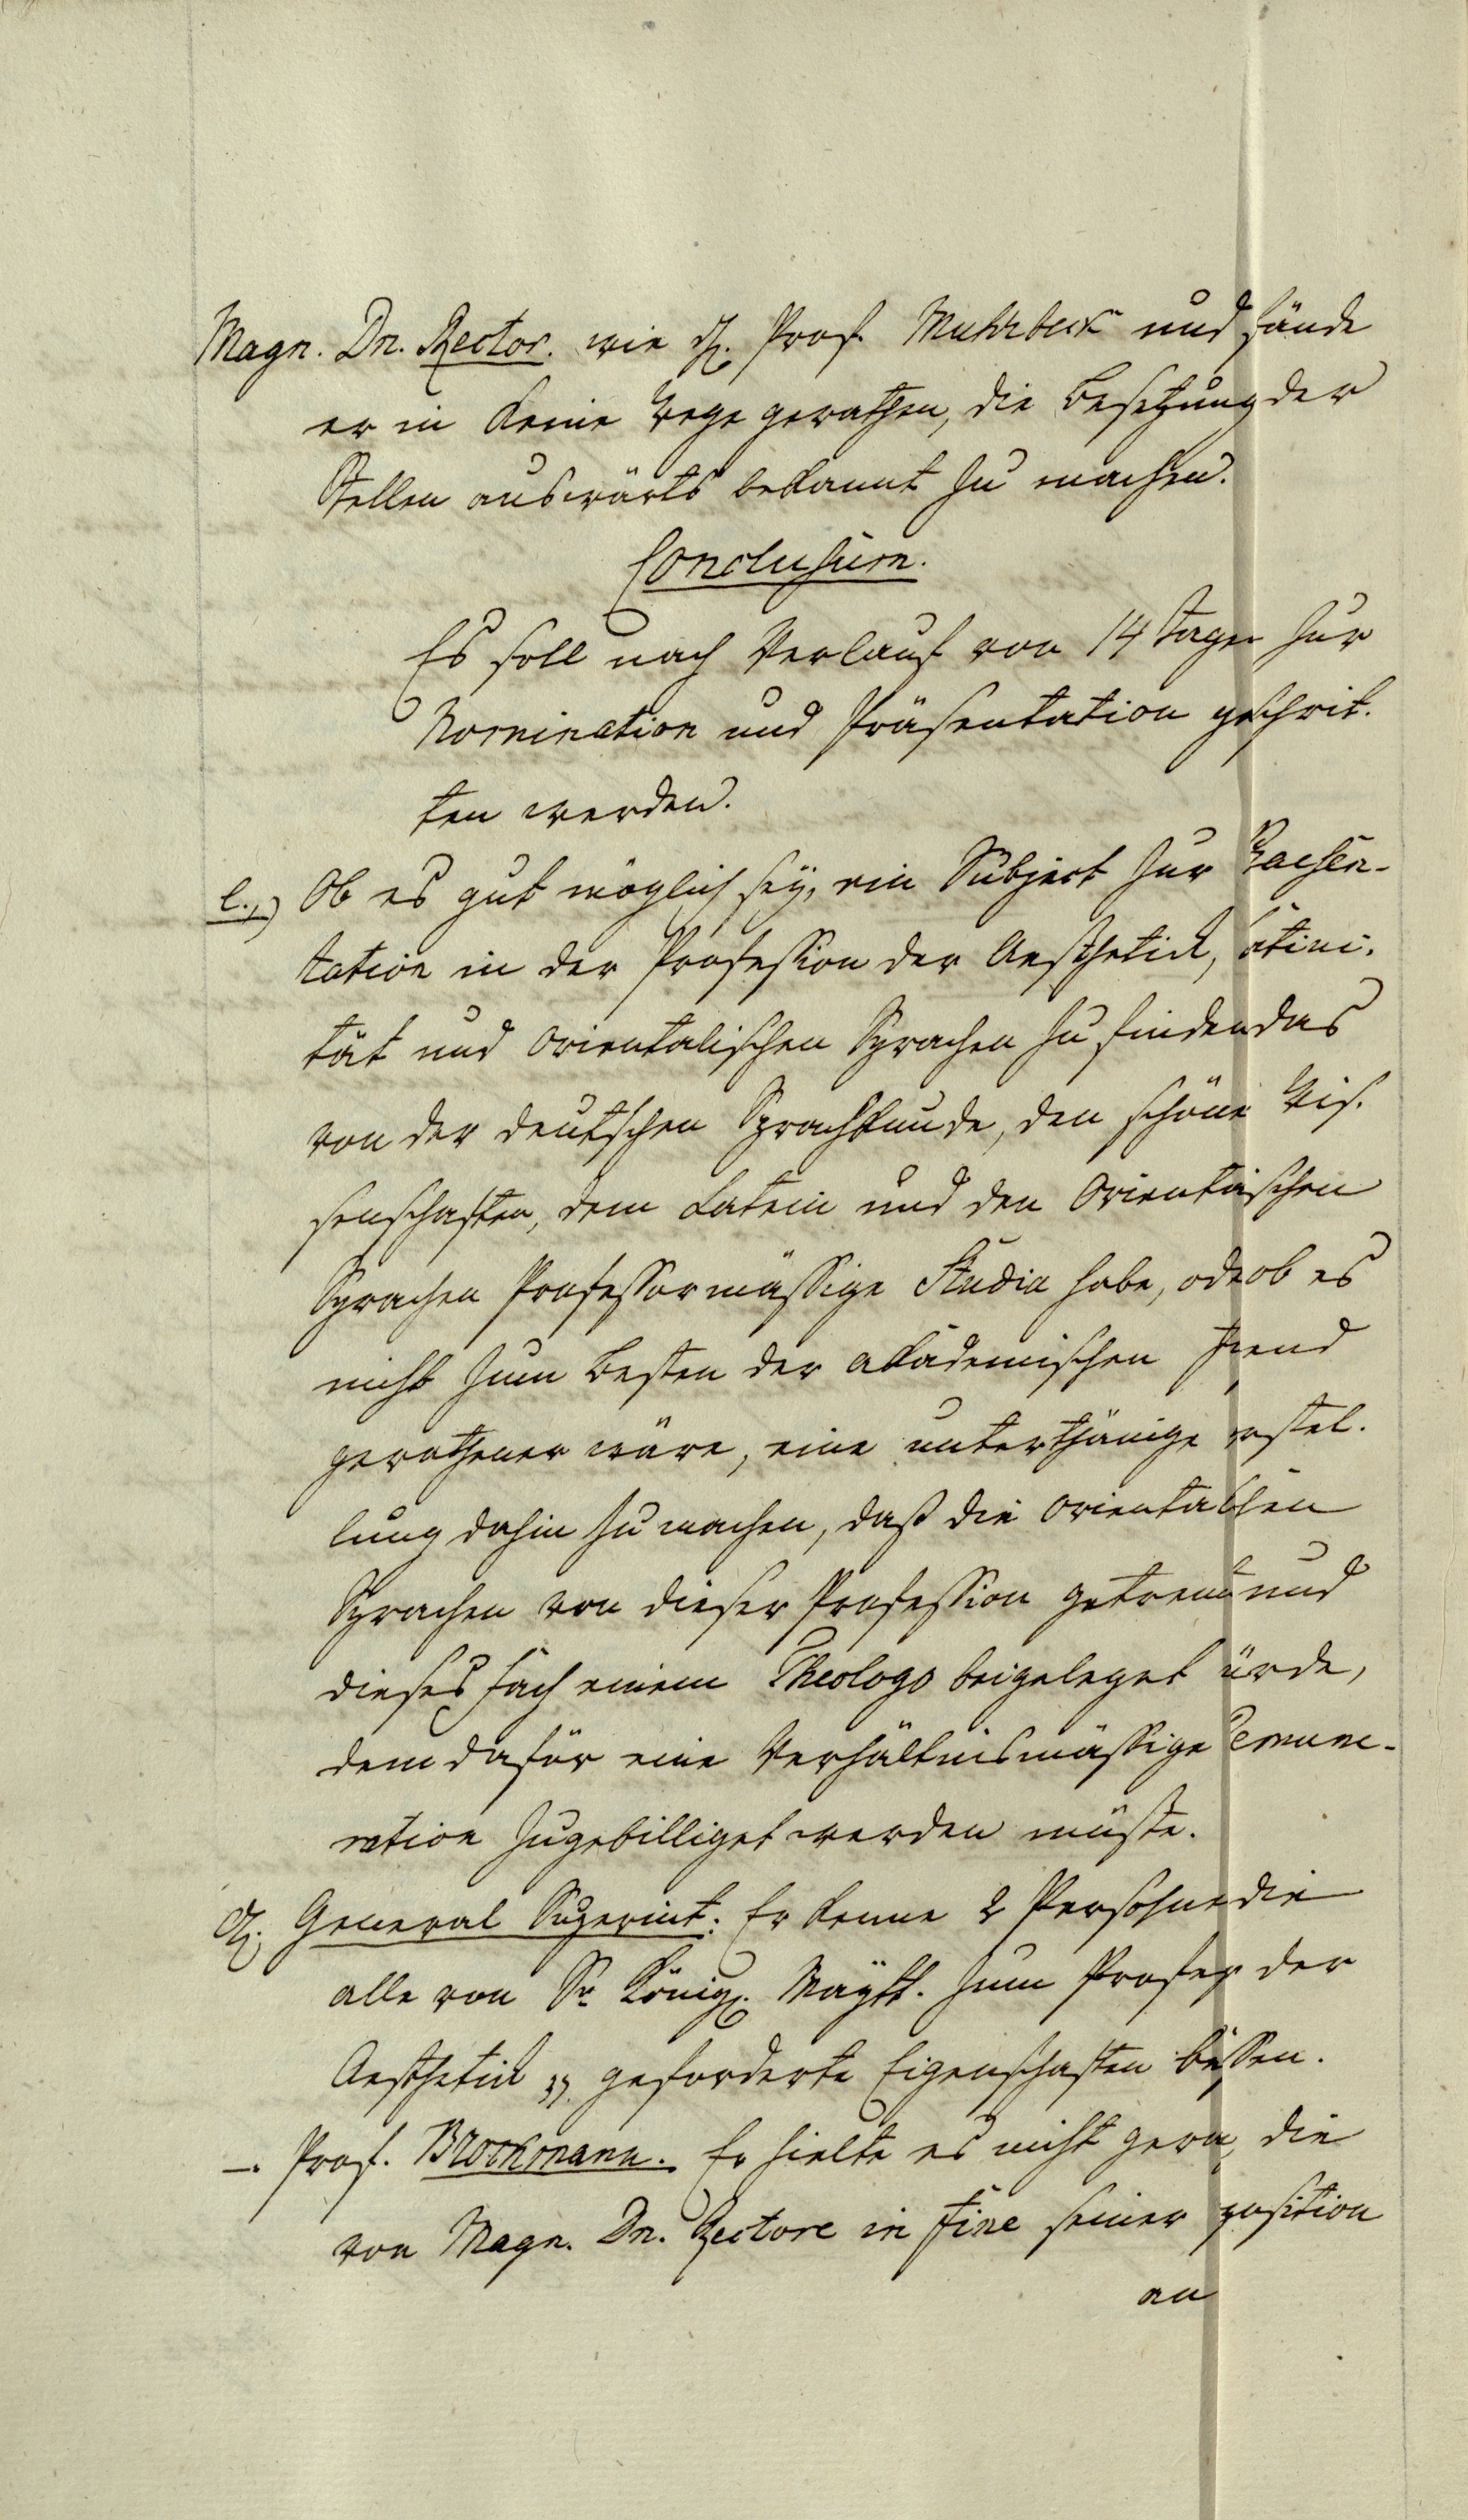Magn. Dn. Rector. wie dh. Prof. Muhrbeck und fände
er in keine Wege gerathen, die Besetzung der
Stellen auswärts bekannt zu machen.
Conclusum.
Es soll nach Verlauf von 14 Tagen zur
Nomination und Präsentation geschrit¬
ten werden.
e.,) Ob es gut möglich seÿ, ein Subject zur Praesen¬
tation in der Profession der Aesthetick, Latini¬
tät und Orientalischen Sprachen zu finden das
von der deutschen Sprachkunde, den schönen Wis¬
senschaften, dem Latein und den Orientalischen
Sprachen Professor mässige Studia habe, oder ob es
nicht zum Besten der akademischen xxx
gerathen wäre, eine unterthänige xxx
lung dahin zu machen, daß die Orientalischen
Sprachen von dieser Profession getrennt und
dieses Fach einem Theologo beigeleget würde,
dem dafür eine verhältnismässige Remune¬
ration zugebilligt werden müßte.
dh. General Superint: Er kenne 2 Professoren die
alle von Sr. Königl. Maÿst. zum Professor der
Aesthetick geforderte Eigenschaften besässen.
— . Prof. Brockmann. Er hielte es nicht gerathen, die
von Magn. Dn. Rectore in fine seiner Proposition
an¬